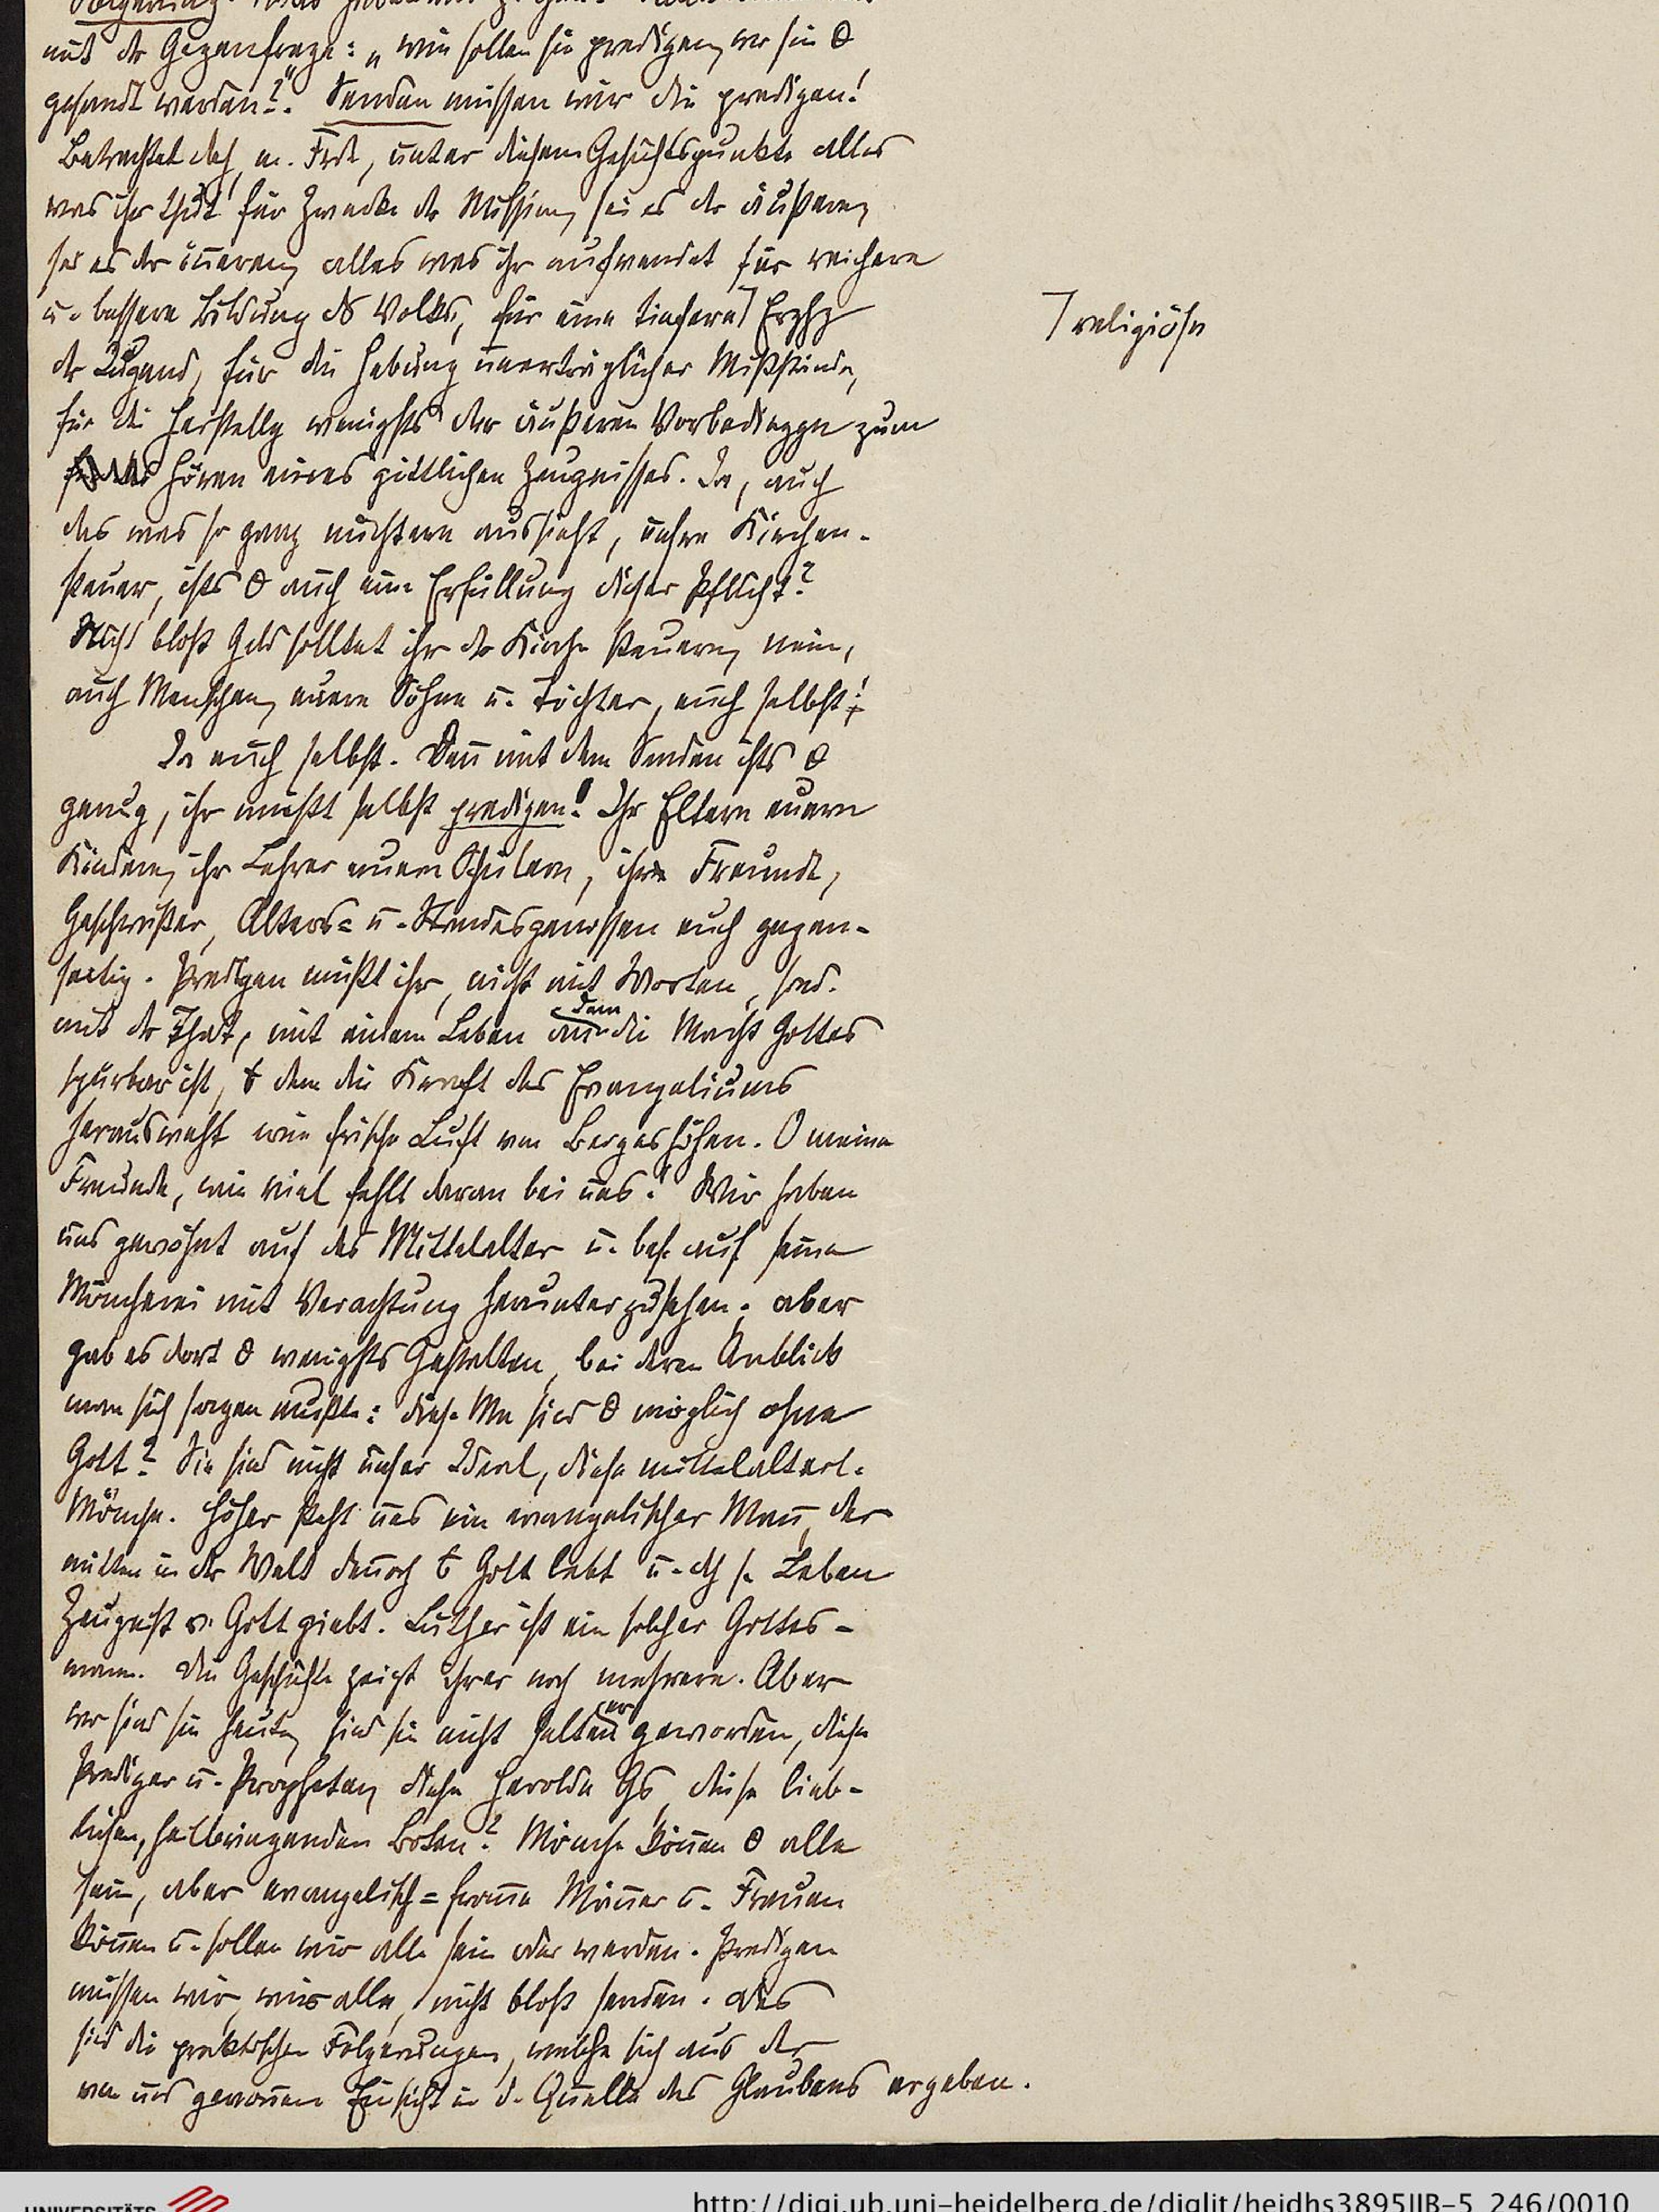mit dr Gegenfrage: "wie sollen sie predigen, wo sie o
gesandt werden?" Senden müssen wir die predigen!
Betrachtet doch, m. Frde, unter diesem Gesichtspunkte alles
was ihr thut für Zwecke der Mission, sei es dr äußeren,
sei es der inneren, alles was ihr aufwendet für reichere
u. bessere Bildung des Volks, für eine tiefere Erzhg
der Jugend, für die Hebung unerträglicher Mißstände,
für die Herstellg wenigsts der äußeren Vorbedinggn zum
fr des Hören eines göttlichen Zeugnisses. Ja, auch
das was so ganz nüchtern aussieht, unsre Kirchen¬
steuer, ists o auch eine Erfüllung dieser Pflicht?
Nicht bloß Geld solltet ihr der Kirche steuern, nein,
auch Menschen, euere Söhne u. Töchter, euch selbst!
genug, ihr müßt selbst predigen? Ihr Eltern euren
Kindern, ihr Lehrer euren Schülern, ihre Freunde,
Geschwister, Alters u. Standesgenossen euch gegen¬
seitig. Predigen müßt ihr nicht mit Worten, sond.
mit der That, mit einem Leben an die Macht Gottes
spürbar ist, s dem die Kraft des Evangeliums
herausweht, wie frische Luft von Bergeshöhen. O meine
Freunde, wie viel fehlt daran bei uns! Wir haben
uns gewöhnt auf das Mittelalter u. bes. auf seine
Möncherei mit Verachtung herunterzusehen; aber
gab es dort o wenigstens Gestalten, bei deren Anblick
man sich sagen mußte: diese Mn sind o möglich ohne
Gott? Sie sind nicht unser Ideal, diese mittelalterl.
Mönche. Höher steht uns ein evangelischer Man, der
mitten in dr Welt denoch s Gott lebt u. dch s. Leben
Zeugniß v. Gott gieht. Luther ist ein solcher Gottes¬
mann. Die Geschichte zeigt ihrer noch mehrere. Aber
er
wo sind sie heute, sind sie nicht selten geworden, diese
Prediger u. Propheten, diese Herolde Gs, diese lieb¬
liche, heilbringenden Boten? Mönche könen o alle
sein, aber evangelische-frome Mäner u. Frauen
könen u. sollen wir alle sein oder werden. Predigen
müssen wir, wir alle, nicht bloß senden. Das
sind die praktischen Folgerungen, welche sich aus der
von uns gewonen Einsicht in d. Quelle des Glaubens ergeben.
Freigeist